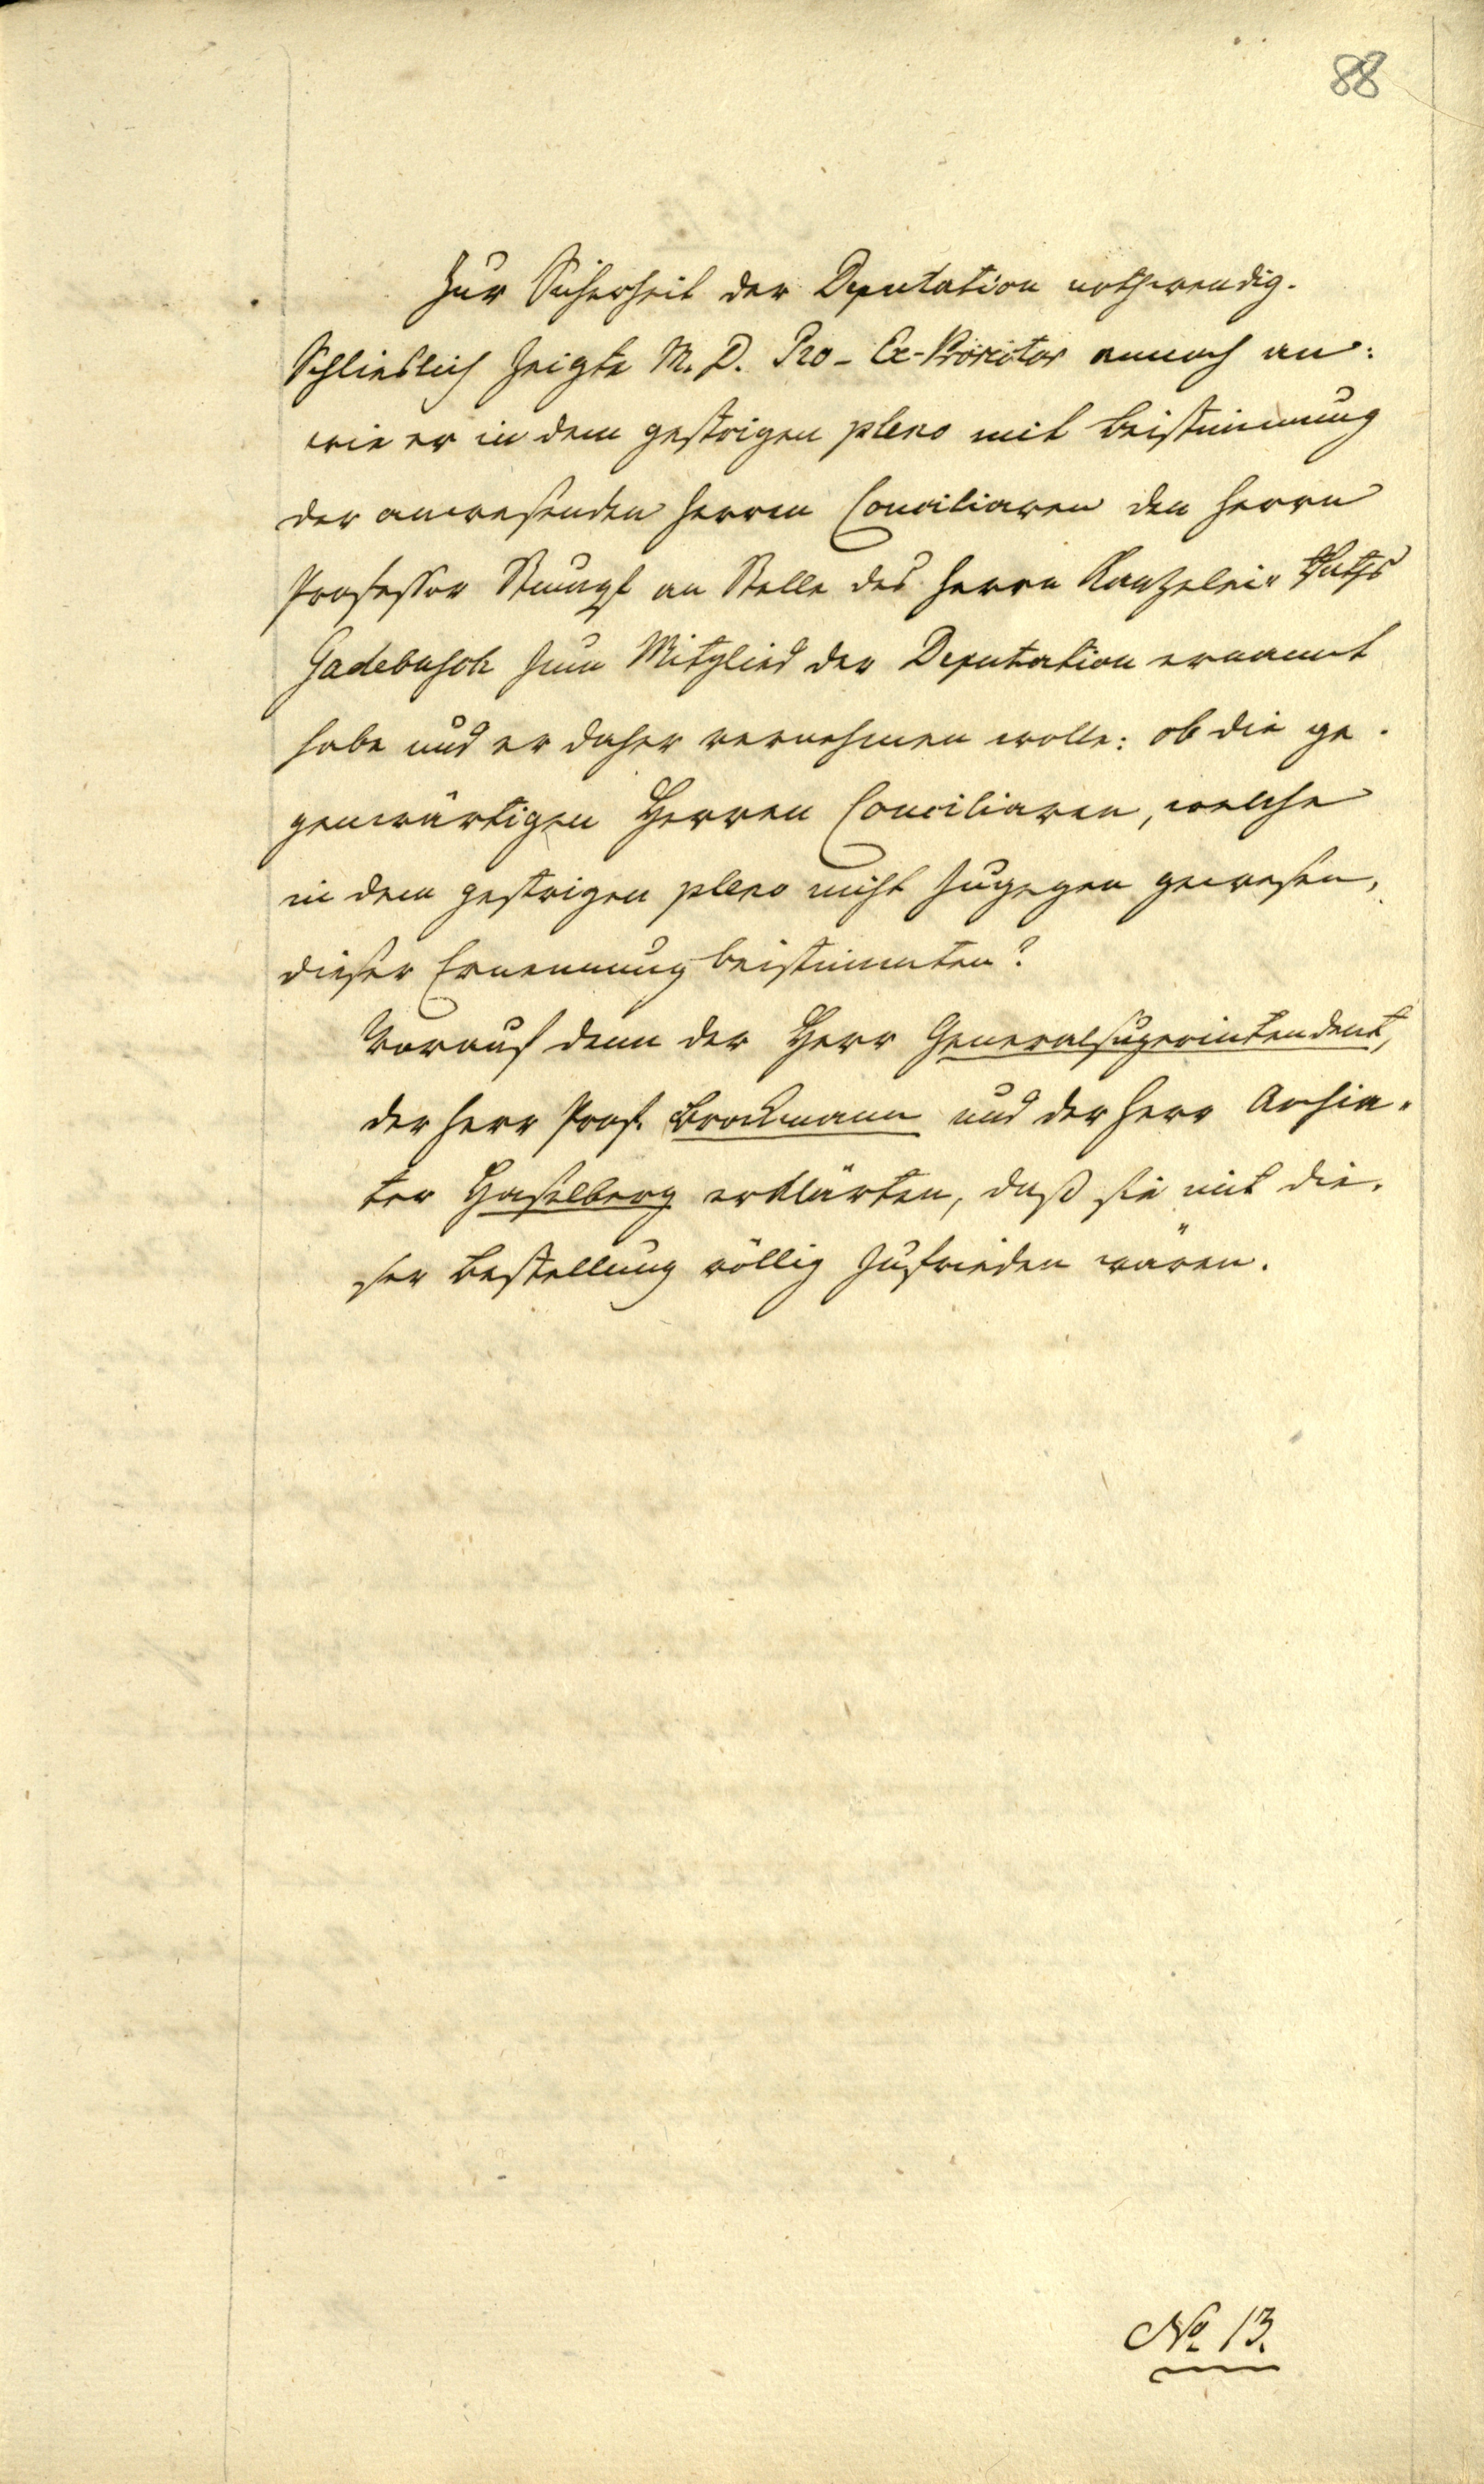zur Sicherheit der Deputation nothwendig.
Schlieslich zeigte M. D. Pro. Ex Prorector annoch an:
wie er in dem gestrigen pleno mit Beistimmung
der anwesenden Herren Conciliaren den Herrn
Professor Stumpf an Stelle des Herrn Kanzelei Raths
Gadebusch zum Mitglied der Deputation ernannt
habe und er daher vernehmen wolle: ob die ge¬
genwärtigen Herren Conciliaren, welche
in dem gestrigen pleno nicht zugegen gewesen,
dieser Ernennung beistimmten?
Worauf denn der Herr Generalsuperintendent,
der Herr Prof. Brockmann und der Herr Archia¬
ter Haselberg erklärten, daß sie mit die¬
ser Bestellung völlig zufrieden wären.
No 13.